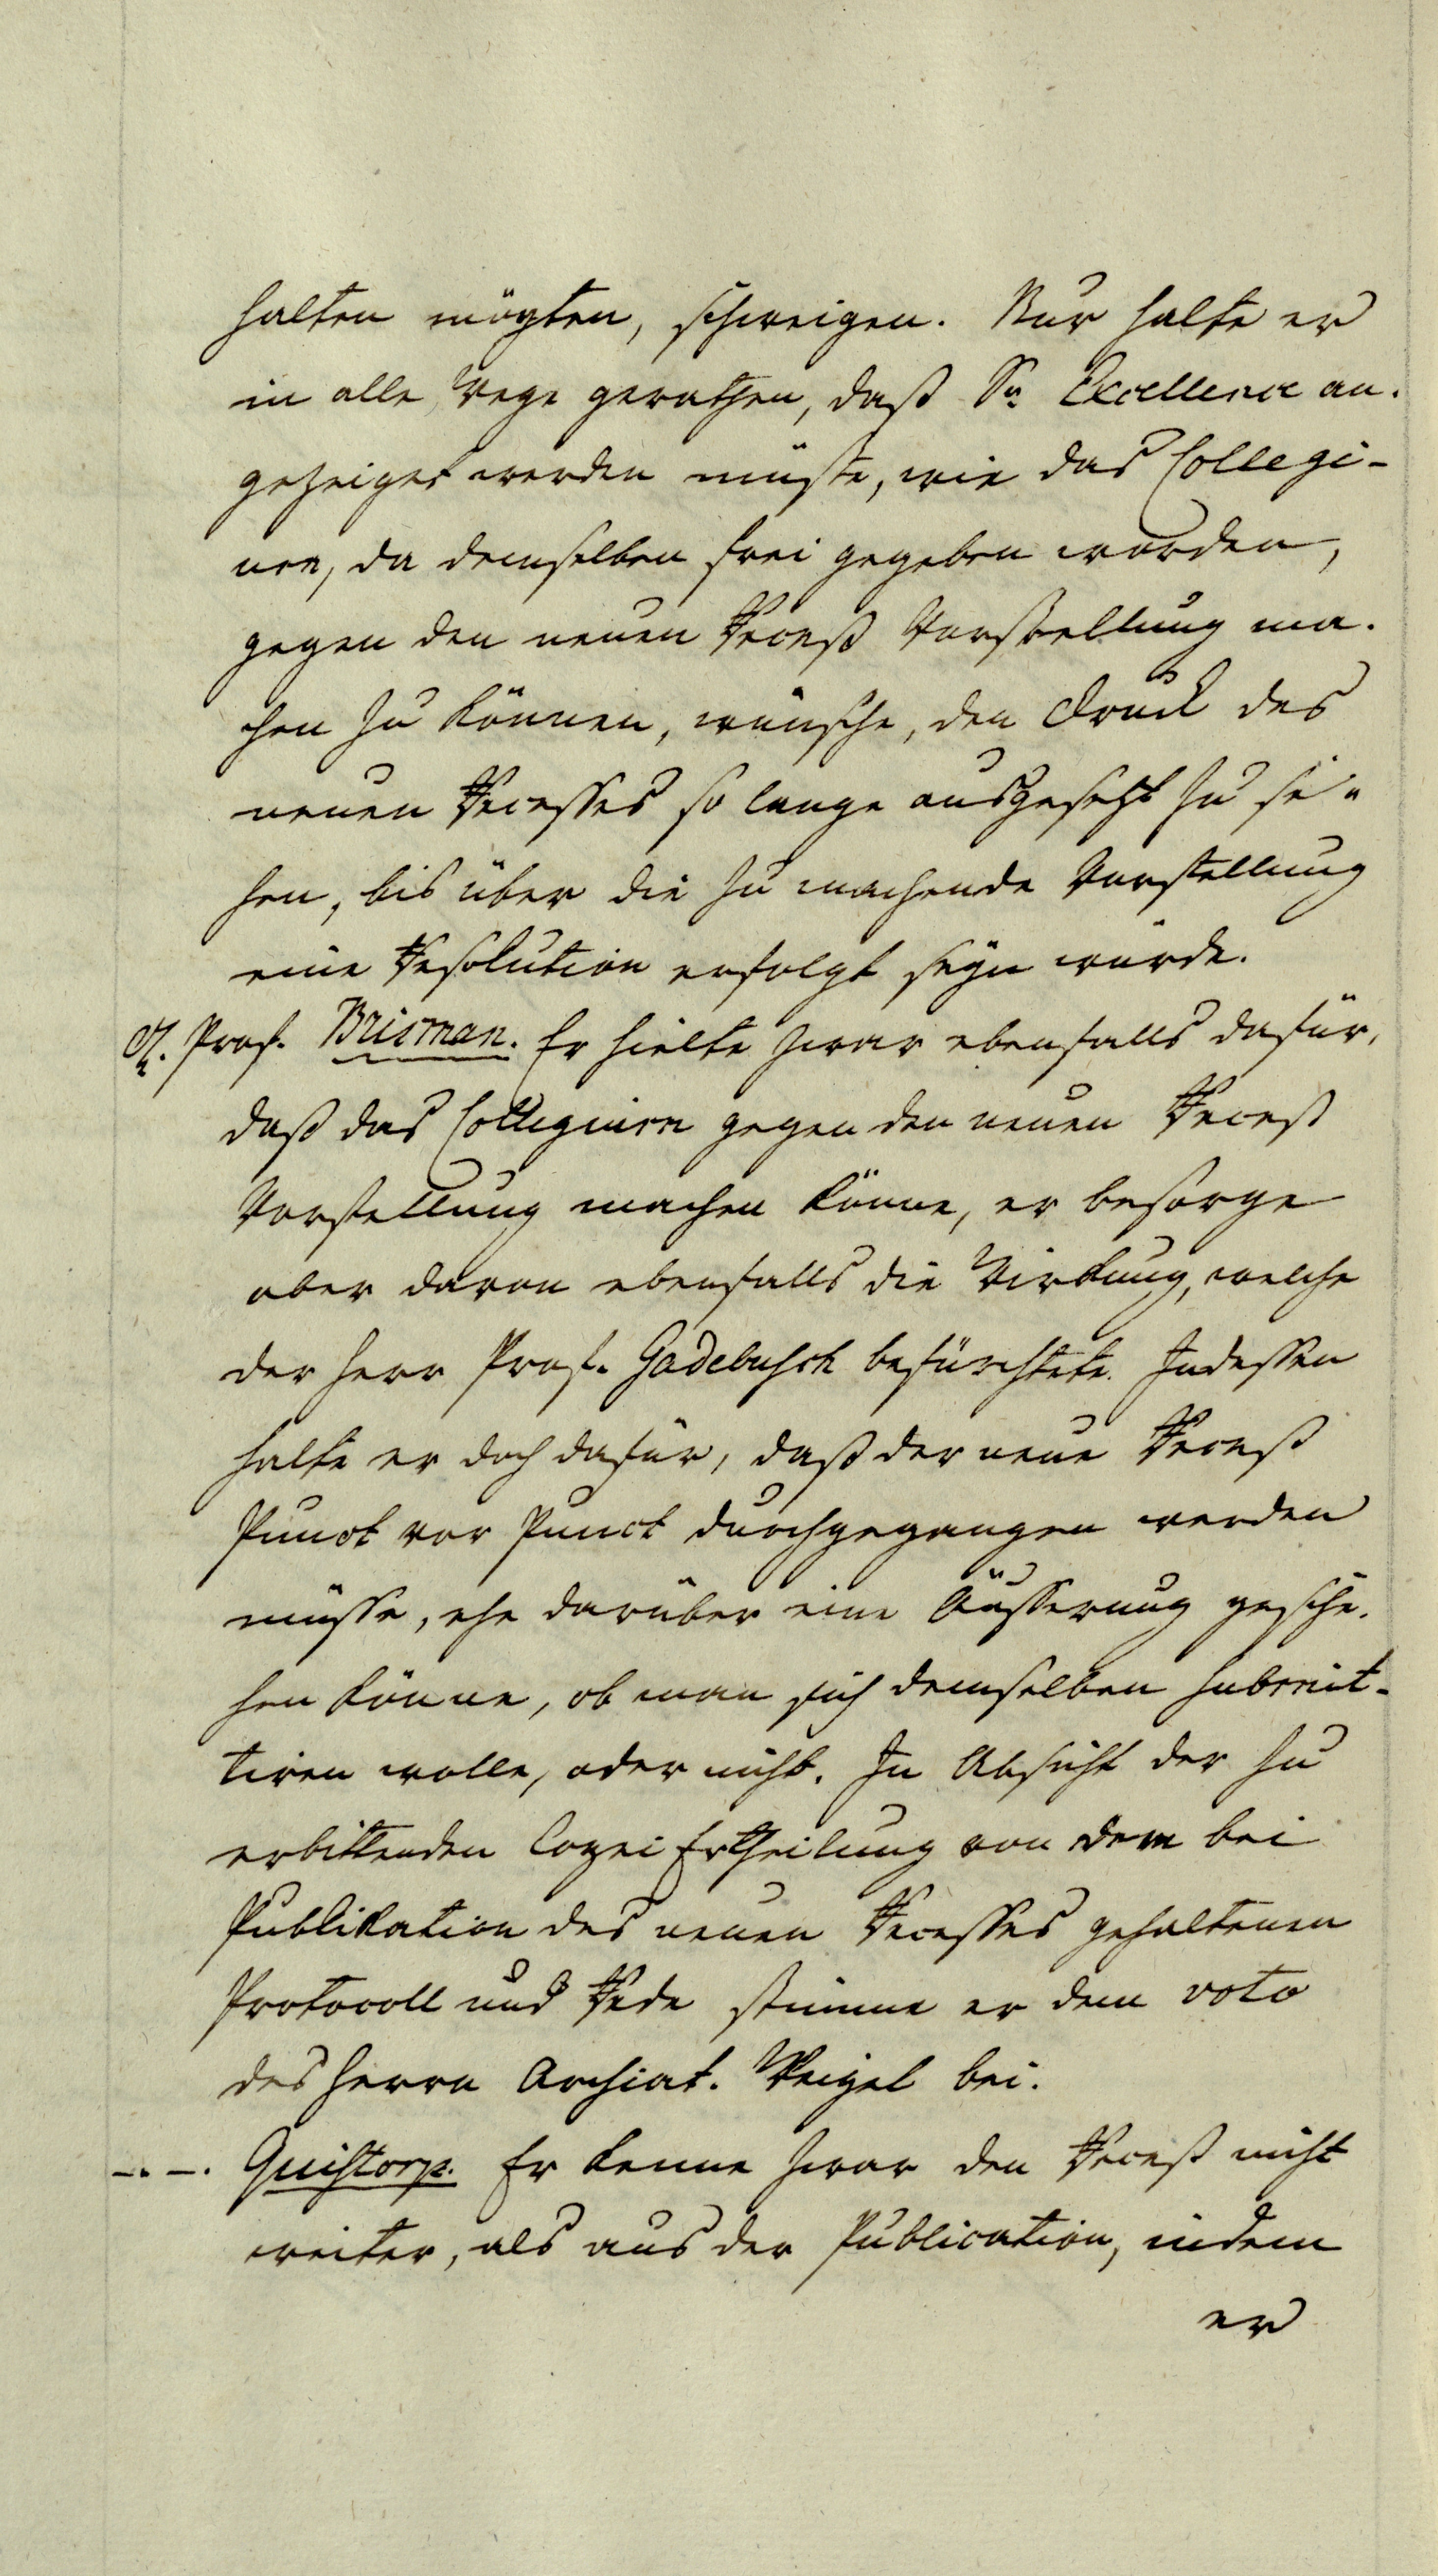halten mögten, schweigen. Nur halte er
in alle Wege gerathen, daß Sr Excellence an¬
gezeiget werden müßte, wie das Collegi¬
um, da demselben frei gegeben worden,
gegen den neuen Receß Vorstellung ma¬
chen zu können, wünsche, den Druck des
neuen Recesses so lange ausgesetzt zu se¬
hen, bis über die zu machende Vorstellung
eine Resolution erfolgt seÿn würde.
dh. Prof. Brisman. Er hielte zwar ebenfalls dafür¬
daß das Collegium gegen den neuen Receß
Vorstellung machen könne, er besorge
aber davon ebenfalls die Wirkung, welche
der Herr Prof. Gadebusch befürchtete. Indessen
halte er doch dafür, daß der neue Receß
Punct vor Punct darchgegungen werden
müsse, ehe darüber eine Äusserung gesche¬
hen könne, ob man sich demselben submit¬
tiren wolle, oder nicht. In Absicht der zu
erbittenden Copei Ertheilung von dem bei
Publikation der neuen Recesses gehaltenen
Protocoll und Rede stimme er dem voto
des Herrn Archiat. Weigel bei.
Quistorp. Er kenne zwar den Receß nicht
weiter, als aus der Publication, indem
er